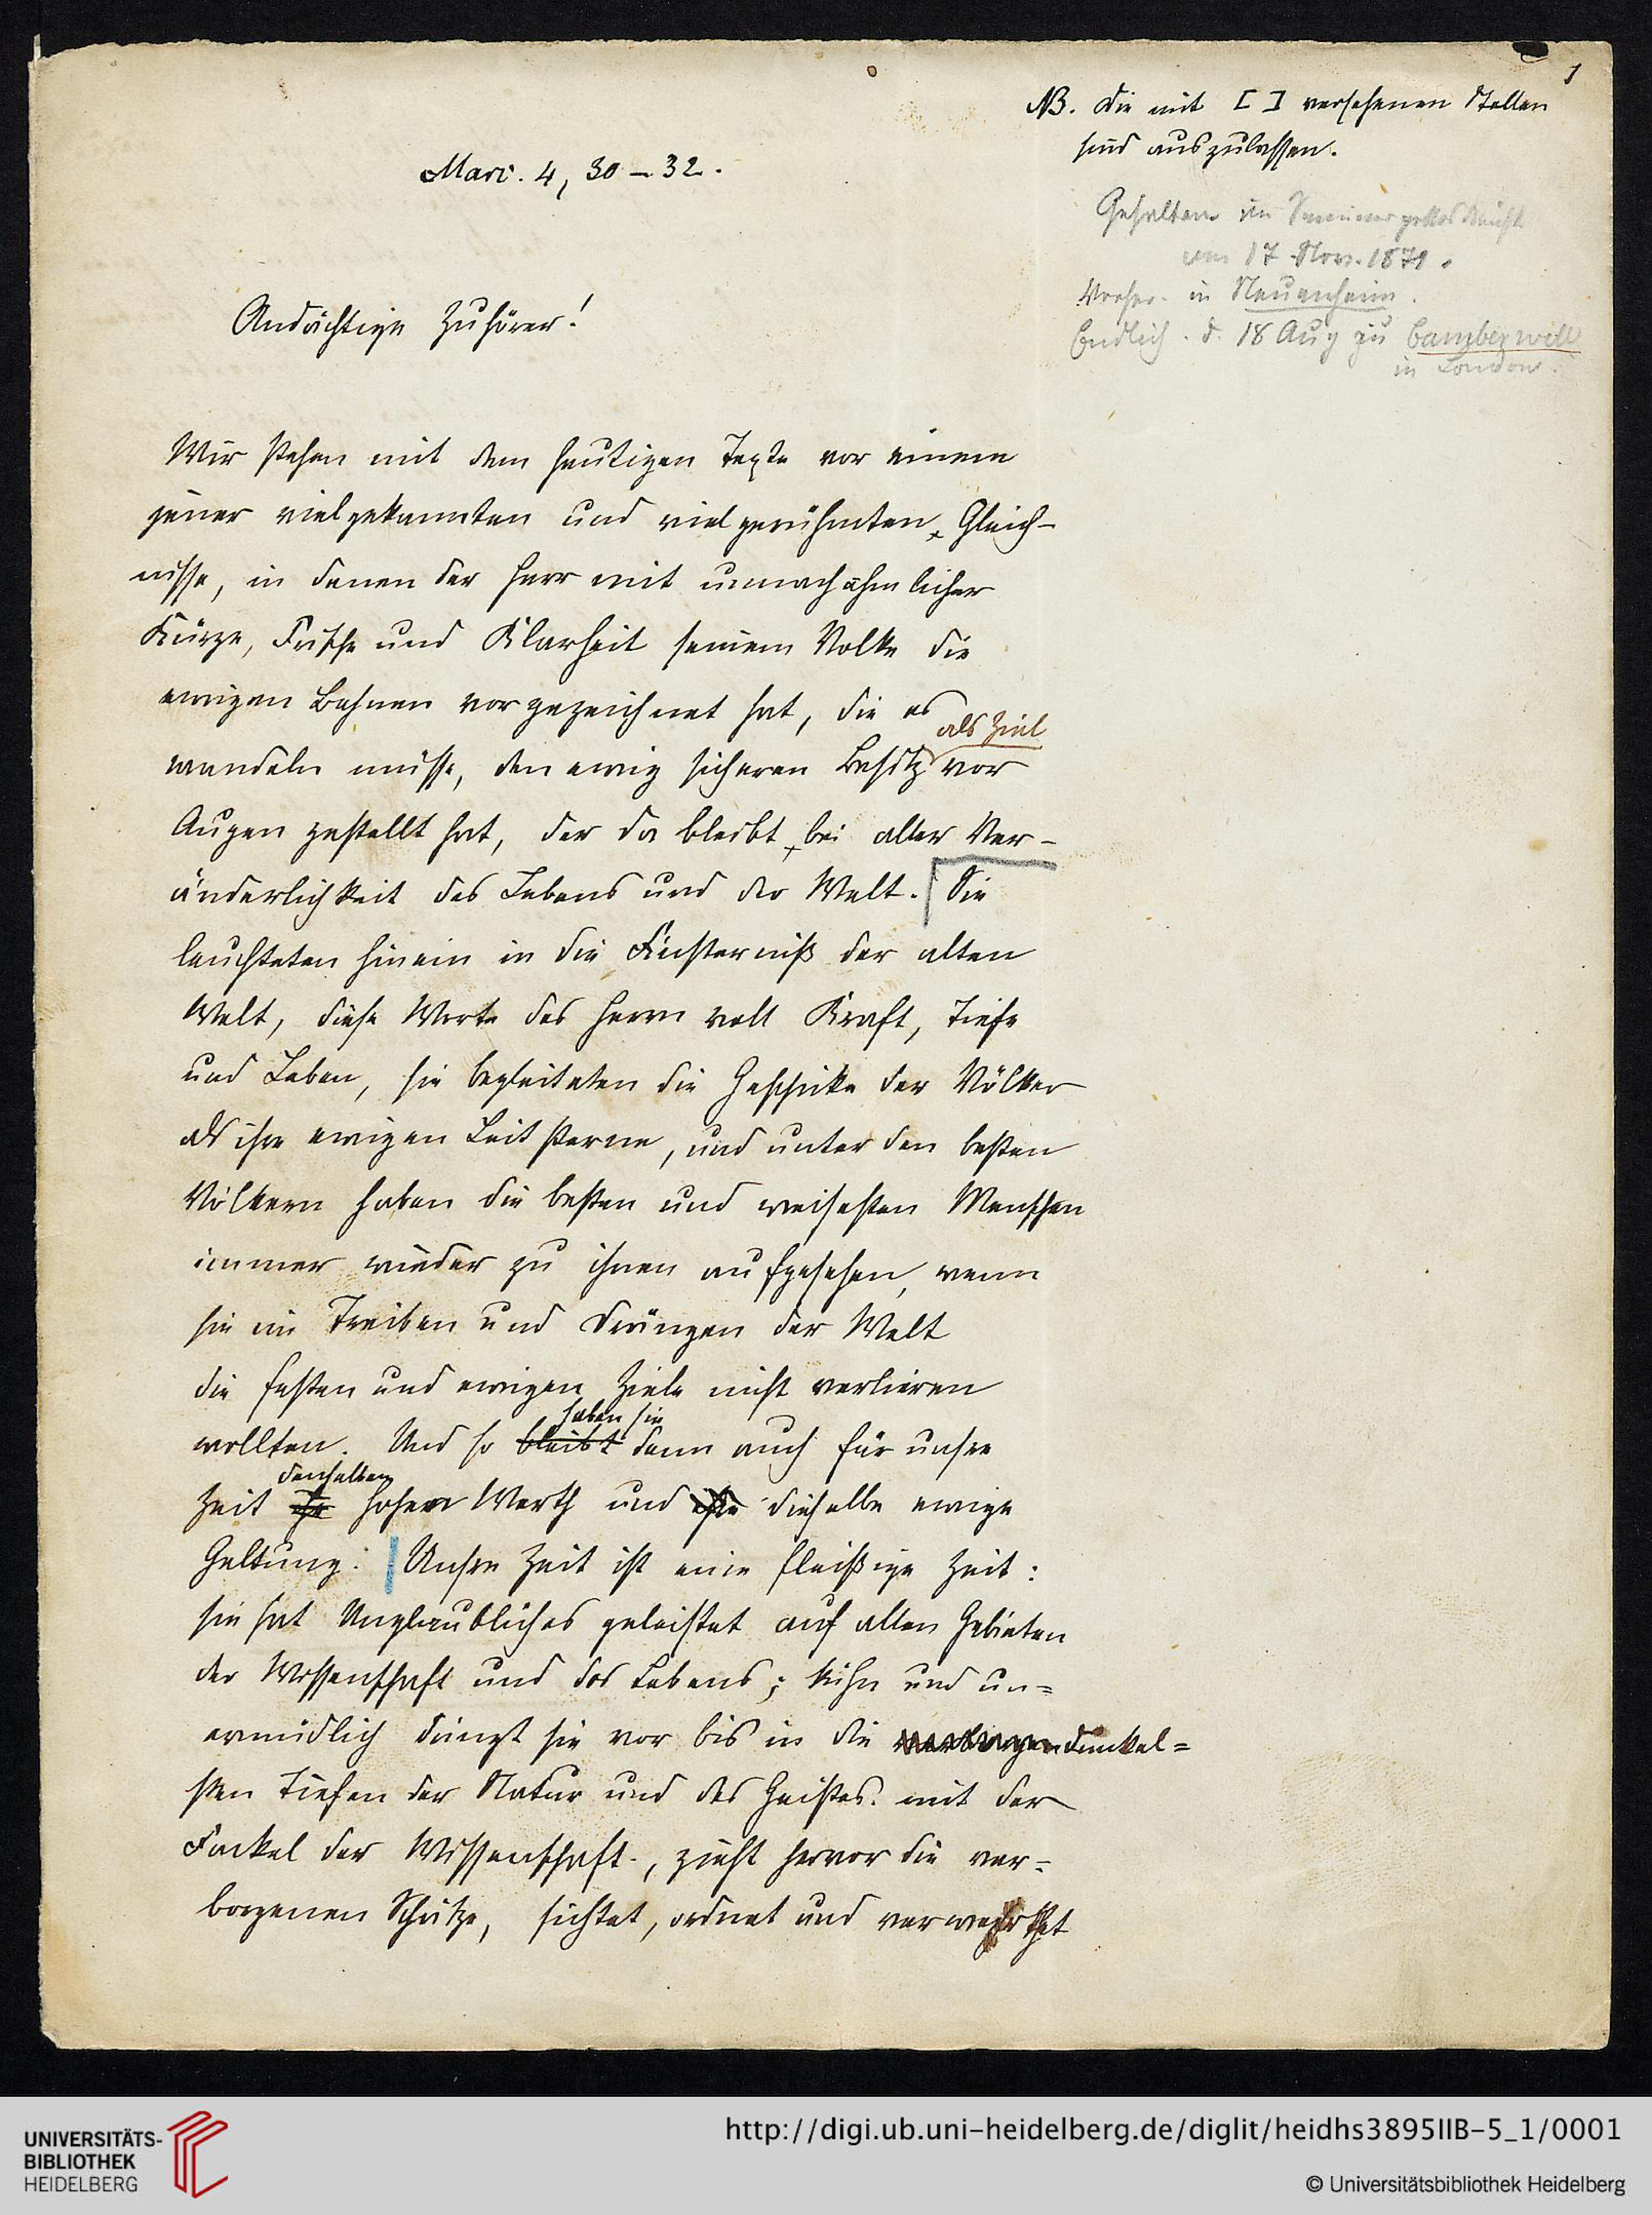1
NB. Die mit [ ] versehenen Stellen
sind auszulassen.
Gehalten im Seminargottesdienste
vom 17 Nov. 1871.
Vorher in Mannheim
Endlich d. 18 Aug zu Camberwell
in London
Marc. 4, 30 — 32.
Andächtige Zuhörer!
Wir stehen mit dem heutigen Texte vor einem
jener vielgekannten und vielgerühmten, Gleich¬
nisse, in denen der Herr mit unnachahmlicher
Kürze, Frische und Klarheit seinem Volk die
ewigen Bahnen vorgezeichnet hat, die es
als Ziel
wandeln müsse, den ewig sicheren Besitz vor
Augen gestellt hat, der da bleibt, bei aller Ver¬
änderlichkeit des Lebens und der Welt. | Sie
leuchteten hinein in die Finsterniß der alten
Welte, dies Worte des Herrn voll Kraft, Tiefe
und Leben, sie begleiteten die Geschicke der Völer
als ihre ewigen Leitsterne, und unter den besten
Völkern haben die besten und weisesten Menschen
immer wieder zu ihnen aufgesehen, wenn
sie im Treiben und Drängen der Welt
die festen und ewigen Ziele nicht verlieren
haben sie
wollten. Und so bleibt denn auch für unsre
denselben
zeit ihr hohern Werth und ihr dieselbe ewige
Geltung: | Unsre Zeit ist eine fleißige Zeit:
sie hat Unglaubliches geleistet auf allen Gebieten
der Wissenschaft und des Lebens; kühn und un¬
ermüdlich dringt sie vor bis in die verborgen dunkel¬
sten Tiefen der Natur und des Geistes mit der
Fakel der Wissenschaft, zieht hervor die ver¬
borgenen Schätze, sichtet, ordnet und verwehrthet